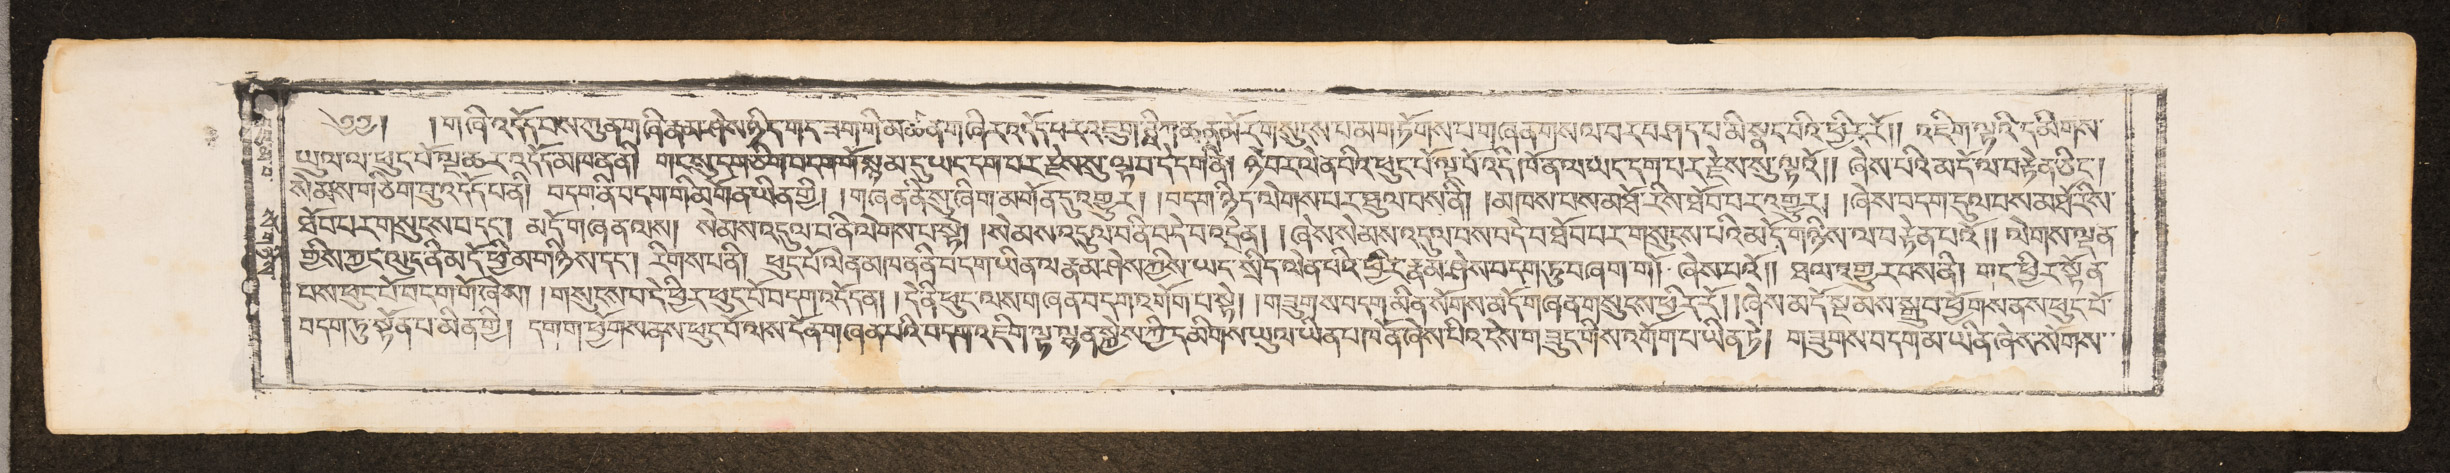༄༅། །གཞི་འདོད་པས་ཀུན་གཞི་རྣམ་ཤེས་ཉིད་གང་ཟག་གི་མཚན་གཞིར་འདོད་པར་འཇུག་ཊཱིཀ་ཆེན་མོར་གསུངས་པ་མ་གཏོགས་པ་གཞན་གསལ་བར་བཤད་པ་མི་སྣང་བའི་ཕྱིར་རོ།། འཇིག་ལྟའི་དམིགས་
ཡུལ་ལ་ཕུང་པོ་ལྔ་ཆར་འདོད་མཁན་ནི། གང་སུ་ངག་ཅིག་བདག་གོ་སྙམ་དུ་ཡང་དག་པར་རྗེས་སུ་ལྟ་བ་དེ་དག་ནི། ཉེ་བར་ལེན་པའི་ཕུང་པོ་ལྔ་པོ་འདི་ཁོ་ན་ལ་ཡང་དག་པར་རྗེས་སུ་ལྟའོ།། ཞེས་པའི་མདོ་ལ་བརྟེན་ཅིང་།
སེམས་གཅིག་བུ་འདོད་པ་ནི། བདག་ནི་བདག་གི་མགོན་ཡིན་གྱི། །གཞན་ནི་སུ་ཞིག་མགོན་དུ་འགྱུར། །བདག་ཉིད་ལེགས་པར་ཐུལ་བས་ནི། མཁས་པས་མཐོ་རིས་ཐོབ་པར་འགྱུར། །ཞེས་བདག་དུལ་བས་མཐོ་རིས་
ཐོབ་པར་གསུངས་པ་དང་། མདོ་གཞན་ལས། སེམས་འདུལ་བ་ནི་ལེགས་པ་སྟེ། །སེམས་འདུལ་བ་ནི་བདེ་བ་ནི་ལེགས་པ་སྟེ། །སེམས་འདུལ་བ་ནི་བདེ་བ་འདྲེན། །ཞེས་སེམས་འདུལ་བས་བདེ་བ་ཐོབ་པར་གསུངས་པའི་མདོ་གཉིས་ལ་བརྟེན་པའོ།། ལེགས་ལྡན་
གྱིས་ཀྱང་ལུང་ནི་མདོ་ཕྱི་མ་གཉིས་དང་། རིགས་པ་ནི། ཕུང་པོ་ལེན་མཁན་ནི་བདག་ཡིན་ལ་རྣམ་ཤེས་ཀྱིས་ཡང་སྲིད་ལེན་པའི་ཕྱིར་རྣམ་ཤེས་བདག་ཏུ་བཞག་གོ། ཞེས་པའོ།། ཐལ་འགྱུར་བས་ནི། གང་ཕྱིར་སྟོན་
པས་ཕུང་པོ་བདག་གོ་ཞེས། །གསུངས་པ་དེ་ཕྱིར་ཕུང་པོ་བདག་འདོད་ན། །དེ་ནི་ཕུང་ལས་གཞན་བདག་འགོག་པ་སྟེ། །གཟུགས་བདག་མིན་སོགས་མདོ་གཞན་གསུངས་ཕྱིར་རོ། །ཞེས་མདོ་སྔ་མས་སྒྲུབ་ཕྱོགས་ནས་ཕུང་པོ་
བདག་ཏུ་སྟོན་པ་མིན་གྱི། དགག་ཕྱོགས་ནས་ཕུང་པོ་ལས་དོན་གཞན་པའི་བདག་འཇིག་ལྟ་ལྷན་སྐྱེས་ཀྱི་དམིགས་ཡུལ་ཡིན་པ་ཁ་ནོ་ཞེས་པའི་ངེས་གཟུང་གིས་འགོག་པ་ཡིན་ཏེ། གཟུགས་བདག་མ་ཡིན་ཞེས་སོགས་